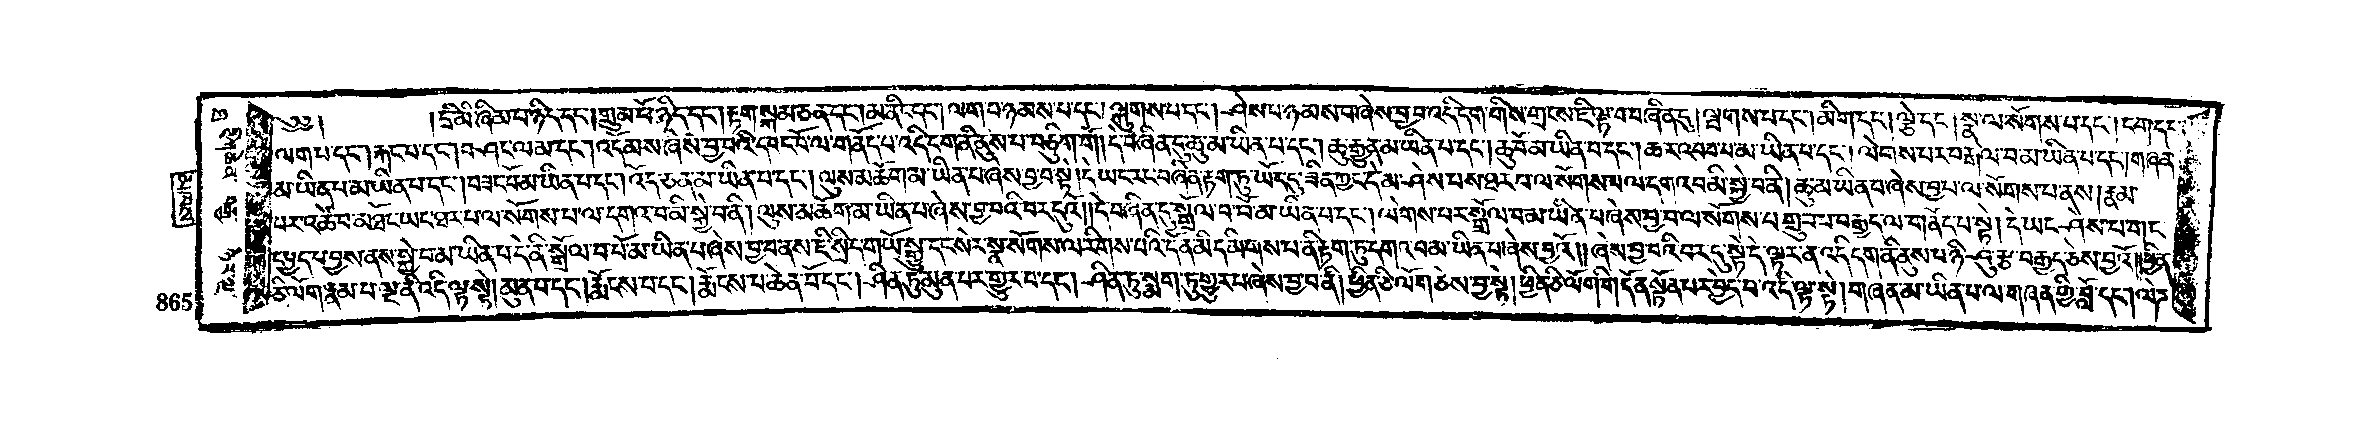༄༅། །དྲི་མི་ཞིམ་པ་ཉིད་དང་། གྲུམ་པོ་ཉིད་དང་། རྟག་སྐམ་ཅན་དང་། མ་ནིང་དང་། ལག་པ་ཉམས་པ་དང་། ལྐུགས་པ་དང་། ཤེས་པ་ཉམས་བ་ཞེས་བྱ་བ་འདི་དག་གིས་གྲངས་ཇི་ལྟ་བ་བཞིན་དུ་ལྤགས་པ་དང་། མིག་དང་ལྕེ་དང་། སྣ་ལ་སོགས་པ་དང་། ངག་དང་
ལག་པ་དང་། རྐང་པ་དང་། བཤང་ལམ་དང་། འདོམས་ཞེས་བྱ་བའི་དབང་པོ་ལ་གནོད་པ་འདི་དག་ནི་ནུས་པ་བཅུ་གཅིག་གོ །དེ་བཞིན་དུ་ཆུ་མ་ཡིན་པ་དང་། ཆུ་རྒྱུན་མ་ཡིན་པ་དང་། ཆུ་བོ་མ་ཡིན་པ་དང་། ཆར་འབབ་པ་མ་ཡིན་པ་དང་། ལེགས་པར་བརྒལ་བ་མ་ཡིན་པ་དང་། གཞན་
མ་ཡིན་པ་མ་ཡིན་པ་དང་། བཟང་པོ་མ་ཡིན་པ་དང་། འོད་ཅན་མ་ཡིན་པ་དང་། ལུས་མཆོག་མ་ཡིན་པ་ཞེས་བྱ་བ་སྟེ། དེ་ཡང་རང་བཞིན་རྟག་ཏུ་ཡོད་དུ་ཟིན་ཀྱང་དེ་མ་ཤེས་པས་ཐར་བ་ལ་སོགས་པ་ལ་དགའ་བ་མི་སྐྱེ་བ་ནི། ཆུ་མ་ཡིན་པ་ཞེས་བྱ་བ་ལ་སོགས་པ་ནས། རྣམ་
པར་འཚེ་བ་མཐོང་ཡང་ཐར་པ་ལ་སོགས་པ་ལ་དགའ་བ་མི་སྐྱེ་བ་ནི། ལུས་མཆོག་མ་ཡིན་པ་ཞེས་བྱ་བའི་བར་དུའོ། །དེ་བཞིན་དུ་སྒྲོལ་བ་པོ་མ་ཡིན་པ་དང་། ལེགས་པར་སྒྲོལ་བ་མ་ཡིན་པ་ཞེས་བྱ་བ་ལ་སོགས་པ་གྲུབ་པ་བརྒྱད་ལ་གནོད་པ་སྟེ། དེ་ཡང་ཤེས་པ་གང་
དཔྱད་པ་བྱས་ནས་སྐྱེ་བ་མ་ཡིན་པ་དེ་ནི་སྒྲོལ་བ་པོ་མ་ཡིན་པ་ཞེས་བྱ་བ་ནས་ཇི་སྲིད་གཡོ་སྒྱུ་དང་སེར་སྣ་སོགས་ལ་རིགས་པའི་དོན་མི་དམིགས་པ་ནི་རྟག་ཏུ་དགའ་བ་མ་ཡིན་པ་ཞེས་བྱའོ། །ཞེས་བྱ་བའི་བར་དུ་སྟེ་དེ་ལྟར་ན་འདི་དག་ནི་ནུས་པ་ཉི་ཤུ་རྩ་བརྒྱད་ཅེས་བྱའོ། །ཕྱིན་
ཅི་ལོག་རྣམ་པ་ལྔ་ནི་འདི་ལྟ་སྟེ། མུན་པ་དང་། རྨོངས་པ་དང་། རྨོངས་པ་ཆེན་པོ་དང་། ཤིན་ཏུ་མུན་པར་གྱུར་བ་དང་། ཤིན་ཏུ་སྨག་ཏུ་གྱུར་པ་ཞེས་བྱ་བ་ནི། ཕྱིན་ཅི་ལོག་ཅེས་བྱ་སྟེ། ཕྱིན་ཅི་ལོག་གི་དོན་སྟོན་པར་བྱེད་པ་འདི་ལྟ་སྟེ། གཞན་མ་ཡིན་པ་ལ་གཞན་གྱི་བློ་དང་། ལེགས་